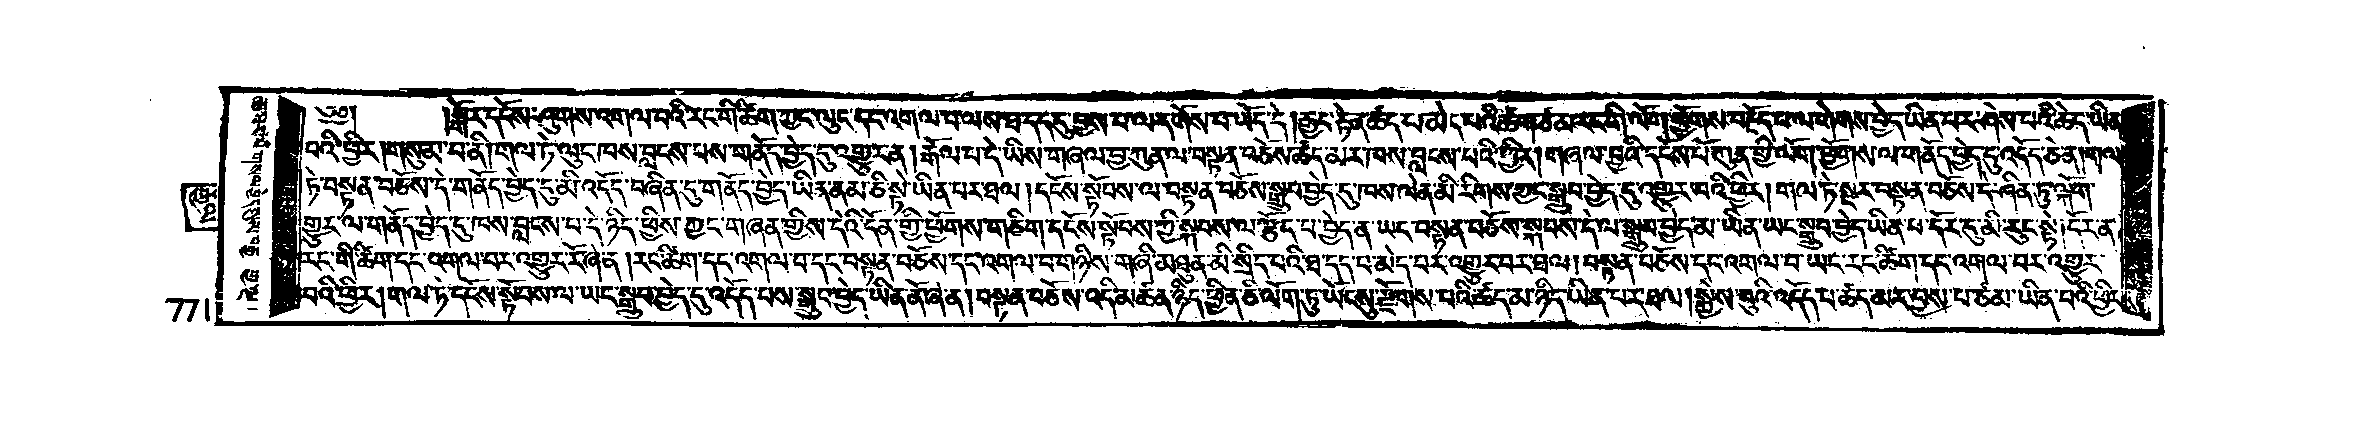༄༅། །སྒོར་དངོས་ཤུགས་འགལ་བའི་རང་གི་ཚིག་ཀྱང་ལུང་དང་འགལ་བ་ལས་ཐ་དད་དུ་བྱས་པ་ལ་དགོས་པ་ཡོད་དེ། རྒྱབ་རྟེན་ཚད་མ་མེད་པའི་ཚིག་ཙམ་རང་གི་ལོག་ཕྱོགས་བརྗོད་པ་ལ་གེགས་བྱེད་ཡིན་པར་ཤེས་པའི་ཆེད་ཡིན་
པའི་ཕྱིར། གསུམ་པ་ནི། གལ་ཏེ་ལུང་ཁས་བླངས་པས་གནོད་བྱེད་དུ་འགྱུར་ན། རྒོལ་པ་དེ་ཡིས་གཞལ་བྱ་ཀུན་ལ་བསྟན་བཅོས་ཚད་མར་ཁས་བླངས་པའི་ཕྱིར། གཞལ་བྱའི་དངོས་པོ་ཀུན་གྱི་ལོག་ཕྱོགས་ལ་གནོད་བྱེད་དུ་འདོད་ཅེ་ན། གལ་
ཏེ་བསྟན་བཅོས་དེ་གནོད་བྱེད་དུ་མི་འདོད་བཞིན་དུ་གནོད་བྱེད་ཡིན་ནམ་ཅི་སྟེ་ཡིན་པར་ཐལ། དངོས་སྟོབས་ལ་བསྟན་བཅོས་སྒྲུབ་བྱེད་དུ་ཁས་ལེན་མི་རིགས་ཀྱང་སྒྲུབ་བྱེད་དུ་འགྱུར་བའི་ཕྱིར། གལ་ཏེ་སྔར་བསྟན་བཅོས་དེ་ཤིན་ཏུ་ལྐོག་
གྱུར་ལ་གནོད་བྱེད་དུ་ཁས་བླངས་པ་དེ་ཉིད་ཕྱིས་ཀྱང་གཞན་གྱིས་དེའི་དོན་གྱི་ཕྱོགས་གཅིག་དངོས་སྟོབས་ཀྱི་སྐབས་ལ་རྩོད་པ་བྱེད་ན་ཡང་བསྟན་བཅོས་སྐབས་དེ་ལ་སྒྲུབ་བྱེད་མ་ཡིན་ཡང་སྒྲུབ་བྱེད་ཡིན་པ་དོར་དུ་མི་རུང་སྟེ། དོར་ན་
རང་གི་ཚིག་དང་འགལ་བར་འགྱུར་རོ་ཞེ་ན། རང་ཚིག་དང་འགལ་བ་དང་བསྟན་བཅོས་དང་འགལ་བ་གཉིས་གཞི་མཐུན་མི་སྲིད་པའི་ཐ་དད་པ་མེད་པར་འགྱུར་བར་ཐལ། བསྟན་བཅོས་དང་འགལ་བ་ཡང་རང་ཚིག་དང་འགལ་བར་འགྱུར་
བའི་ཕྱིར། གལ་ཏེ་དངོས་སྟོབས་ལ་ཡང་སྒྲུབ་བྱེད་དུ་འདོད་པས་སྒྲུབ་བྱེད་ཡིན་ནོ་ཞེ་ན། བསྟན་བཅོས་འདི་མཚན་ཉིད་ཕྱིན་ཅི་ལོག་ཏུ་ཡོངས་སུ་རྫོགས་པའི་ཚད་མ་ཉིད་ཡིན་པར་ཐལ། སྐྱེས་བུའི་འདོད་པ་ཚད་མར་བྱས་པ་ཙམ་ཡིན་པའི་ཕྱིར་